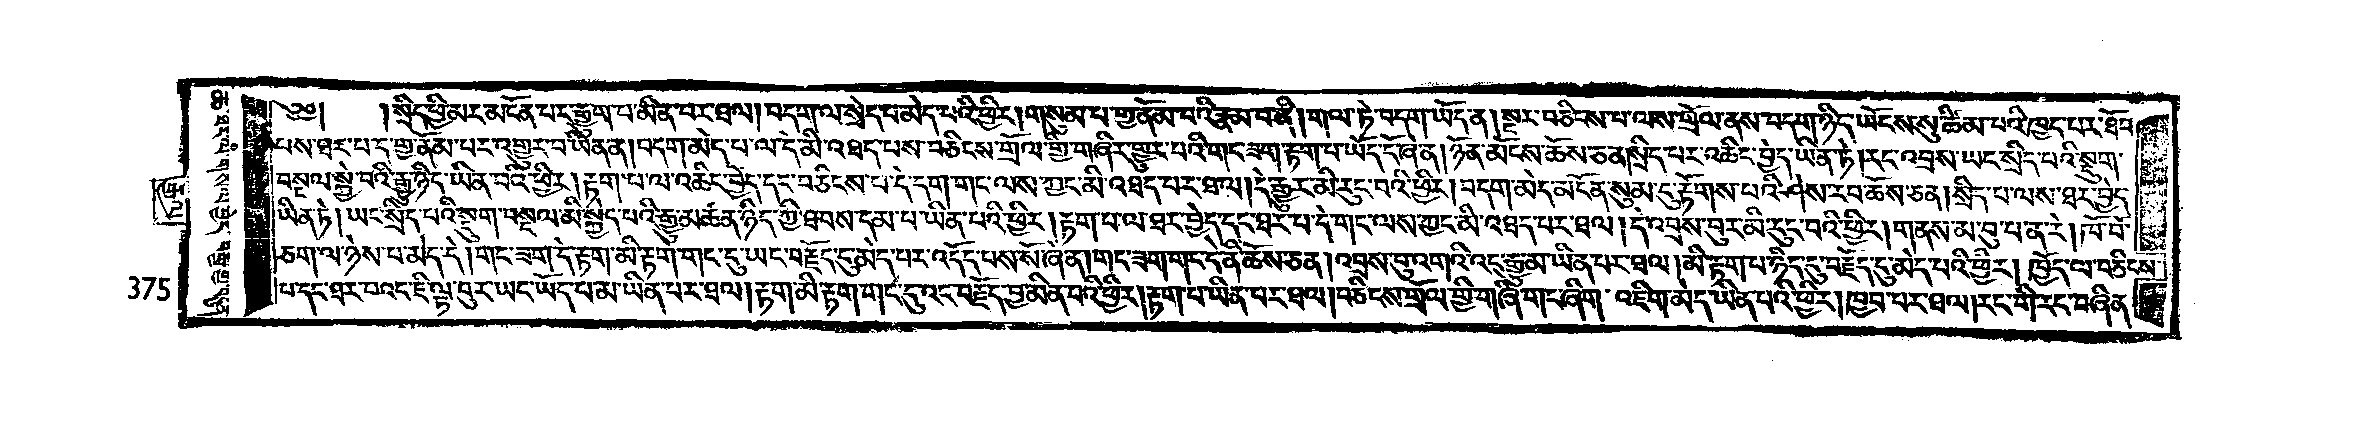༄༅། །སྲིད་ཕྱི་མར་མངོན་པར་རྒྱུག་པ་མིན་པར་ཐལ། བདག་ལ་སྲེད་པ་མེད་པའི་ཕྱིར། གསུམ་པ་གྱ་ནོམ་པའི་རྣམ་པ་ནི། གལ་ཏེ་བདག་ཡོད་ན། སྔར་བཅིངས་པ་ལས་གྲོལ་ནས་བདག་ཉིད་ཡོངས་སུ་ཚིམ་པའི་ཁྱད་པར་ཐོབ་
པས་ཐར་པ་དེ་གྱ་ནོམ་པར་འགྱུར་བ་ཡིན་ན། བདག་མེད་པ་ལ་དེ་མི་འཐད་པས་བཅིངས་གྲོལ་གྱི་གཞིར་གྱུར་པའི་གང་ཟག་རྟག་པ་ཡོད་དོ་ཞེ་ན། ཉོན་མོངས་ཆོས་ཅན། སྲིད་པར་འཆིང་བྱེད་ཡིན་ཏེ། རང་འབྲས་ཡང་སྲིད་པའི་སྡུག་
བསྔལ་སྐྱེ་བའི་རྒྱུ་ཉིད་ཡིན་པའི་ཕྱིར། རྟག་པ་ལ་འཆིང་བྱེད་དང་བཅིངས་པ་དེ་དག་གང་ལས་ཀྱང་མི་འཐད་པར་ཐལ། དེ་རྒྱུར་མི་རུང་བའི་ཕྱིར། བདག་མེད་མངོན་སུམ་དུ་རྟོགས་པའི་ཤེས་རབ་ཆོས་ཅན། སྲིད་པ་ལས་ཐར་བྱེད་
ཡིན་ཏེ། ཡང་སྲིད་པའི་སྡུག་བསྔལ་མི་སྐྱེད་པའི་རྒྱུ་མཚན་ཉིད་ཀྱི་ཐབས་དམ་པ་ཡིན་པའི་ཕྱིར། རྟག་པ་ལ་ཐར་བྱེད་དང་ཐར་པ་དེ་གང་ལས་ཀྱང་མི་འཐད་པར་ཐལ། དེ་འབྲས་བུར་མི་རུང་བའི་ཕྱིར། གནས་མ་བུ་པ་ན་རེ། ཁོ་བོ་
ཅག་ལ་ཉེས་པ་མེད་དེ། གང་ཟག་དེ་རྟག་མི་རྟག་གང་དུ་ཡང་བརྗོད་དུ་མེད་པར་འདོད་པས་སོ་ཞེ་ན། གང་ཟག་གང་དེ་ནི་ཆོས་ཅན། འབྲས་བུ་འགའི་འདུ་རྒྱུ་མ་ཡིན་པར་ཐལ། མི་རྟག་པ་ཉིད་དུ་བརྗོད་དུ་མེད་པའི་ཕྱིར། ཁྱོད་ལ་བཅིངས་
པ་དང་ཐར་པའང་ཇི་ལྟ་བུར་ཡང་ཡོད་པ་མ་ཡིན་པར་ཐལ། རྟག་མི་རྟག་གང་དུ་འང་བརྗོད་བྱ་མིན་པའི་ཕྱིར། རྟག་པ་ཡིན་པར་ཐལ། བཅིངས་གྲོལ་གྱི་གཞི་གང་ཞིག་འཇིག་མེད་ཡིན་པའི་ཕྱིར། ཁྱབ་པར་ཐལ། རང་གི་རང་བཞིན་